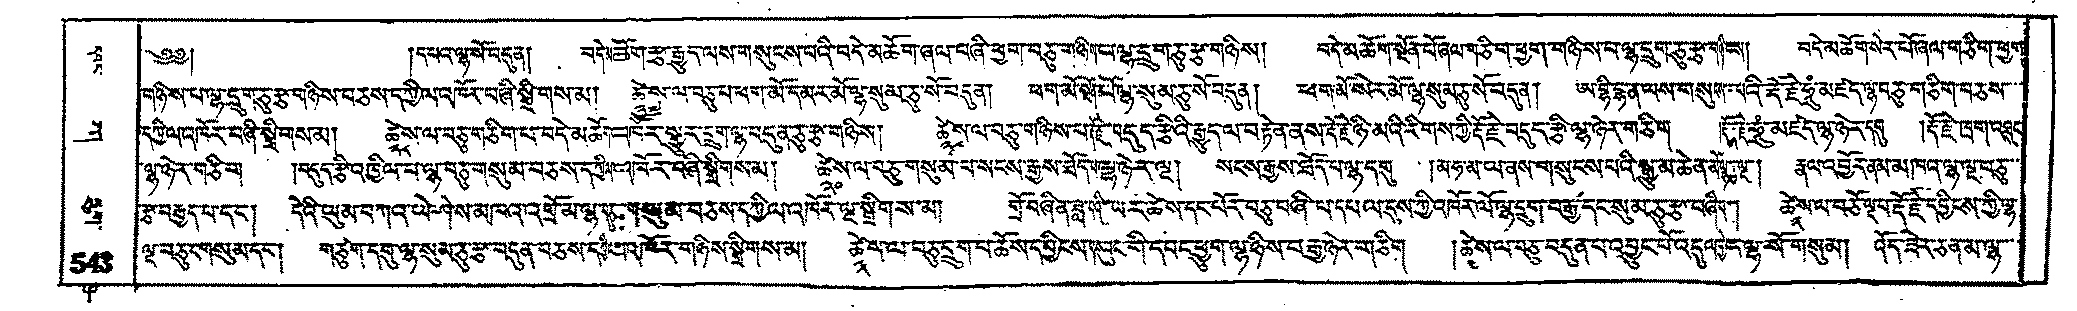༄༅། །དཔའ་ལྷ་སོ་བདུན། བདེ་མཆོག་རྩ་རྒྱུད་ལས་གསུངས་པའི་བདེ་མཆོག་ཞལ་བཞི་ཕྱག་བཅུ་གཉིས་པ་ལྷ་དྲུག་ཅུ་རྩ་གཉིས། བདེ་མཆོག་སྔོན་པོ་ཞལ་གཅིག་ཕྱག་གཉིས་པ་ལྷ་དྲུག་ཅུ་རྩ་གཉིས། བདེ་མཆོག་སེར་པོ་ཞལ་གཅིག་ཕྱག་
གཉིས་པ་ལྷ་དྲུག་ཅུ་རྩ་གཉིས་བཅས་དཀྱིལ་འཁོར་བཞི་སྒྲིགས་མ། ཚེས ༢༧་ལ་བཅུ་པ་ཕག་མོ་དམར་མོ་ལྷ་སུམ་ཅུ་སོ་བདུན། ཕག་མོ་སྔོན་མོ་ལྷ་སུམ་ཅུ་སོ་བདུན། ཕག་མོ་སེར་མོ་ལྷ་སུམ་ཅུ་སོ་བདུན། ཨ་བྷི་དྷ་ན་ལས་གསུངས་པའི་རྡོ་རྗེ་ཧཱུཾ་མཛད་ལྷ་བཅུ་གཅིག་བཅས་
དཀྱིལ་འཁོར་བཞི་སྒྲིགས་མ། ཚེས ༢༨་ལ་བཅུ་གཅིག་པ་བདེ་མཆོག་འཁོར་སྒྱུར་དྲུག་ལྷ་བདུན་ཅུ་རྩ་གཉིས། ཚེས ༢༩་ལ་བཅུ་གཉིས་པ་རྡོ་རྗེ་བདུད་རྩིའི་རྒྱུད་ལ་བརྟེན་ནས་རྡོ་རྗེ་ཉི་མའི་རིགས་ཀྱི་རྡོ་རྗེ་བདུད་རྩི་ལྷ་ཉེར་གཅིག །རྡོ་རྗེ་ཧཱུཾ་མཛད་ལྷ་ཉེར་དགུ །རྡོ་རྗེ་ཁྲག་འཐུང་
ལྷ་ཉེར་གཅིག །བདུད་རྩི་འཁྱིལ་པ་ལྷ་བཅུ་གསུམ་བཅས་དཀྱིལ་འཁོར་བཞི་སྒྲིགས་མ། ཚེས ༣༠་ལ་བཅུ་གསུམ་པ་སངས་རྒྱས་ཐོད་པ་ལྷ་ཉེར་ལྔ། སངས་རྒྱས་ཐོད་པ་ལྷ་དགུ །མ་ཧ་མ་ཡ་ནས་གསུངས་པའི་སྒྱུ་མ་ཆེན་མོ་ལྷ་ལྔ། རྣལ་འབྱོར་ནམ་མཁའ་ལྷ་ལྔ་བཅུ་
རྩ་བརྒྱད་པ་དང་། དེའི་ཡུམ་བཀའ་ཡེ་ཤེས་མཁའ་འགྲོ་མ་ལྷ་བཅུ་གསུམ་བཅས་དཀྱིལ་འཁོར་ལྔ་སྒྲིགས་མ། གྲོ་བཞིན་ཟླ་བའི་ཡར་ཚེས་དང་པོར་བཅུ་བཞི་པ་དཔལ་དུས་ཀྱི་འཁོར་ལོ་ལྷ་དྲུག་བ་རྒྱ་དང་སུམ་ཅུ་རྩ་བཞི་པ། ཚེས ༢་ལ་བཅོ་ལྔ་པ་རྡོ་རྗེ་དབྱིངས་ཀྱི་ལྷ་
ལྔ་བཅུ་ང་གསུམ་དང་། གཙུག་དགུ་ལྷ་སུམ་ཅུ་རྩ་བདུན་བཅས་དཀྱིལ་འཁོར་གཉིས་སྒྲིགས་མ། ཚེས ༣་ལ་བཅུ་དྲུག་པ་ཆོས་དབྱིངས་གསུང་གི་དབང་ཕྱུག་ལྷ་ཉིས་བརྒྱ་ཉེར་གཅིག །ཚེས ༤་ལ་བཅུ་བདུན་པ་འབྱུང་པོ་འདུལ་བྱེད་ལྷ་སོ་གསུམ། འོད་ཟེར་ཅན་མ་ལྷ་